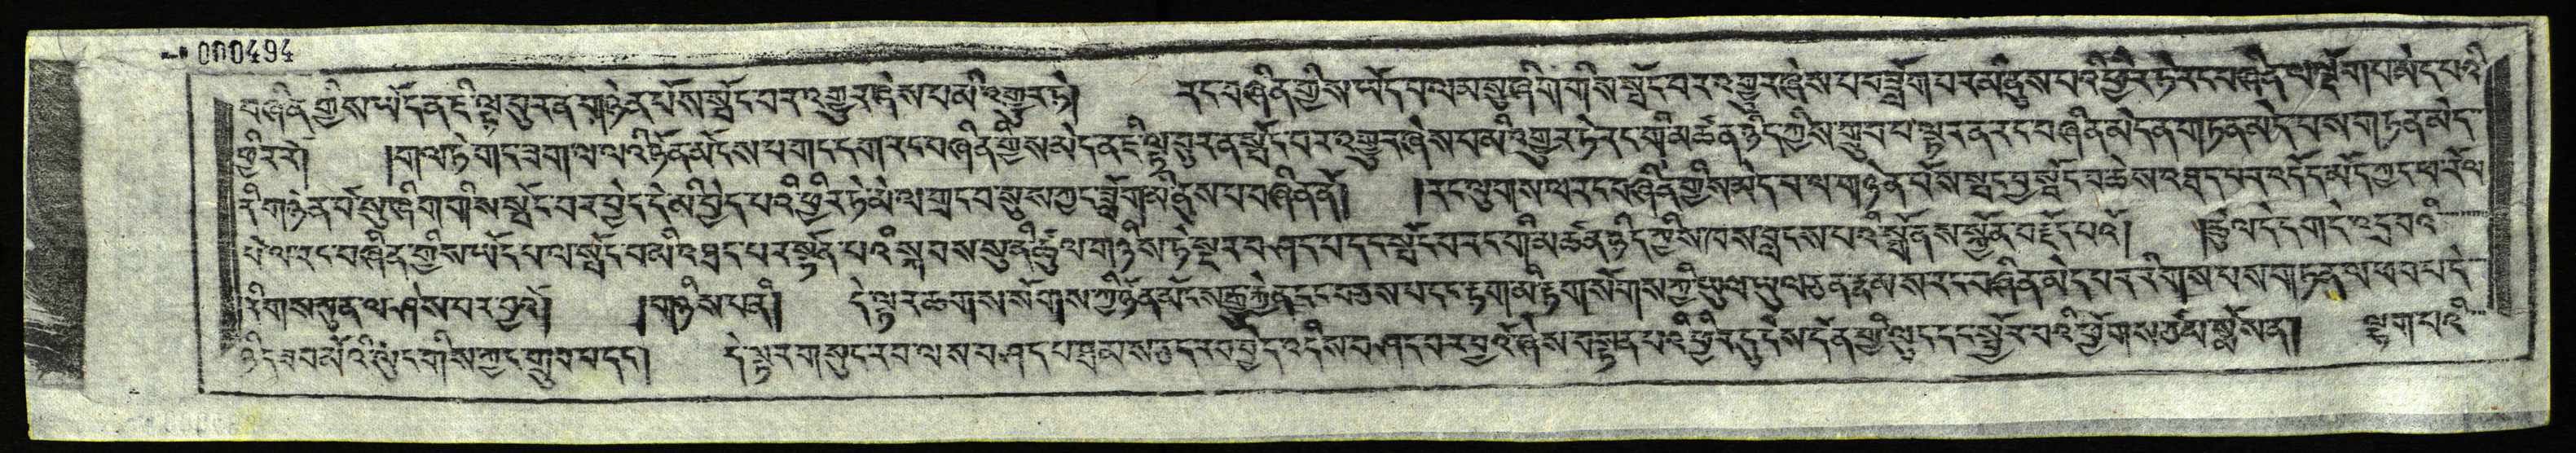བཞིན་གྱིས་ཡོད་ན་ཇི་ལྟ་བུར་ན་གཉེན་པོས་སྤོང་བར་འགྱུར་ཞེས་པ་མི་འགྱུར་ཏེ། རང་བཞིན་གྱིས་ཡོད་པ་ལམ་སུ་ཞིག་གིས་སྤོང་བར་འགྱུར་ཞེས་པ་བཟློག་པར་མི་ནུས་པའི་ཕྱིར་ཏེ་རང་བཞིན་ལ་ལྡོག་པ་མེད་པའི་
ཕྱིར་རོ། །གལ་ཏེ་གང་ཟག་ལ་ལའི་ཉོན་མོངས་པ་གང་དག་རང་བཞིན་གྱིས་མེད་ན་ཇི་ལྟ་བུར་ན་སྤོང་བར་འགྱུར་ཞེས་པ་མི་འགྱུར་ཏེ་རང་གི་མཚན་ཉིད་ཀྱིས་གྲུབ་པ་ལྟར་ན་རང་བཞིན་མེད་ན་གཏན་མེད་པས་གཏན་མེད་
རི་གཉེན་པོ་སུ་ཞིག་གིས་སྤོང་བར་བྱེད་དེ་མི་བྱེད་པའི་ཕྱིར་ཏེ་མེ་ལ་གྲང་བ་སུས་ཀྱང་ཟློག་མི་ནུས་པ་བཞིན་ནོ། །རང་ལུགས་ལ་རང་བཞིན་གྱིས་མེད་པ་ལ་གཉེན་པོས་སྤང་བྱ་སྤོང་བ་ཆེས་འཐད་པར་འདོད་མོད་ཀྱང་ཕ་རོལ་
པེ་ལ་རང་བཞིན་གྱིས་ཡོད་པ་ལ་སྤོང་བ་མི་འཐད་པར་སྟོན་པའི་སྐབས་སུ་ནི་ཚུལ་གཉིས་ཏེ་སྔར་བཤད་པ་དང་སྤོང་བ་རང་གི་མཚན་ཉིད་ཀྱིས་ཁས་བླངས་པའི་སྒོ་ནས་སྐྱོན་བརྗོད་པའོ། །ཚུལ་དེ་དག་དེ་འདྲ་བའི་
རིགས་ཀུན་ལ་ཤེས་པར་བྱའོ། །གཉིས་པ་ནི། དེ་ལྟར་ཆགས་སོགས་ཀྱི་ཉོན་མོངས་རྒྱུ་རྐྱེན་དང་བཅས་པ་དང་རྟག་མི་རྟག་སོགས་ཀྱི་ཡུལ་ཡུལ་ཅན་རྣམས་རང་བཞིན་མེད་པར་རིགས་པས་གཏན་ལ་ཕབ་པ་དེ་
ཉིད་ཟབ་མོའི་ལུང་གིས་ཀྱང་གྲུབ་པ་དང་། དེ་ལྟར་གསུང་རབ་ལས་བཤད་པ་ཐམས་ཅད་རབ་བྱེད་འདིས་བཤད་པར་བྱའོ་ཞེས་བསྟན་པའི་ཕྱིར་དུ་ངེས་དོན་གྱི་ལུང་དང་སྦྱོར་བའི་ཕྱོགས་ཙམ་སྨོས་ན། ལྷག་པའི་